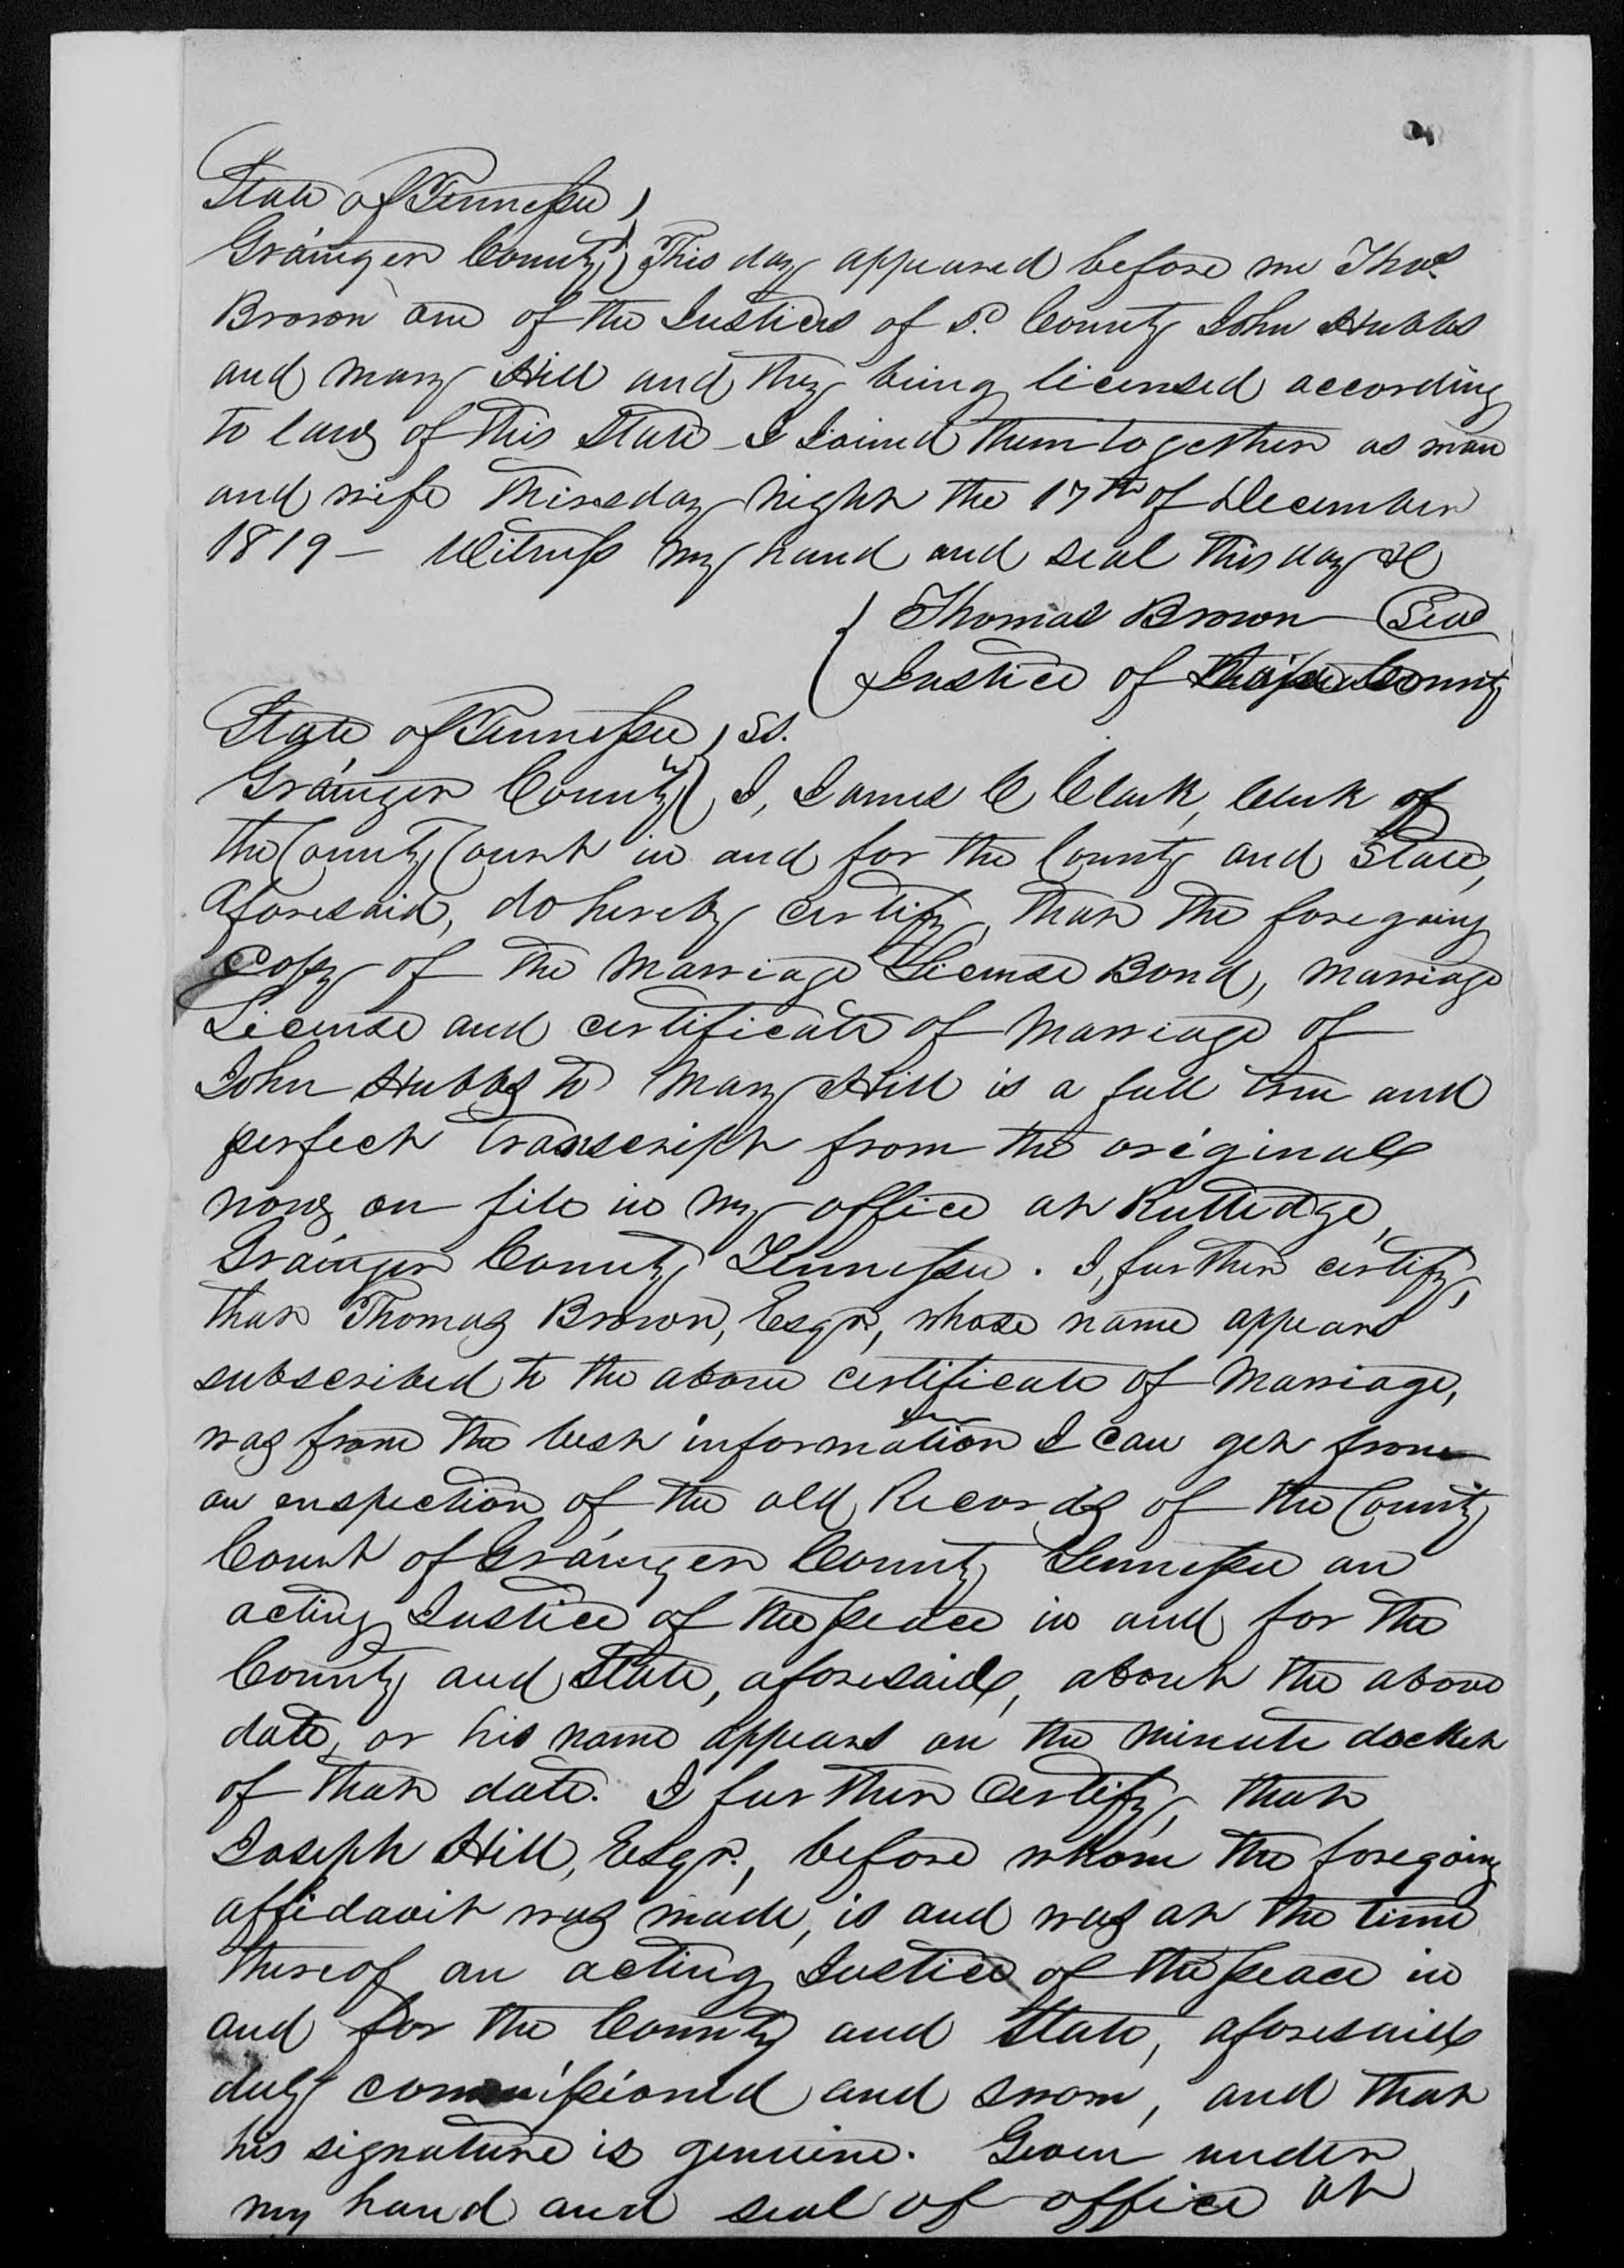State of Tennessee
Grainger County 
 This day appeared before me Thos Brown am of the Justices of S. County John Hubbs and Mary Hill and they being licensed according to laws of this State I joined them together as man and wife Winsday night the 17th of December 1819 -
Witness my hand and seal this day 
Thomas Brown (Seal)
Justice of Said County

State of Tennessee SS
Grainger County
   I, James C. Clark, Clerk of the County Court in and for the County and State aforesaid, do hereby certify, that the foregoing Copy of the Marriage License Bond, Marriage License and certificate of Marriage of John Hubbs &
Mary Hill is a full true and perfect transcript from the original now on file in my office at Rutledge Grainger County Tennessee. I further certify that Thomas Brown, Esqr. whose name appears subscribed to the above certificate of Marriage, was from the best information I can get from an inspection of the old Records of the County Court of Grainger County Tennessee an acting Justice of the Peace in and for the County and State, aforesaid, about the above date of his name appears on the minute docked of that date. I further certify that
Joseph Hill, Esqr. before whom the foregoing
affidavit was made, is and was at the time
thereof an acting Justice of the peace in
and for the County and State, aforesaid duly commissioned and sworn, and that his signature is genuine. Given under my hand and seal of office at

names: Mary Hill, John Hubbs, Joseph Hill, Thos Brown, Thomas Brown, James C Clark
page: 16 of 86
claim: widow's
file: W. 1035, John Hubbs, S.C.